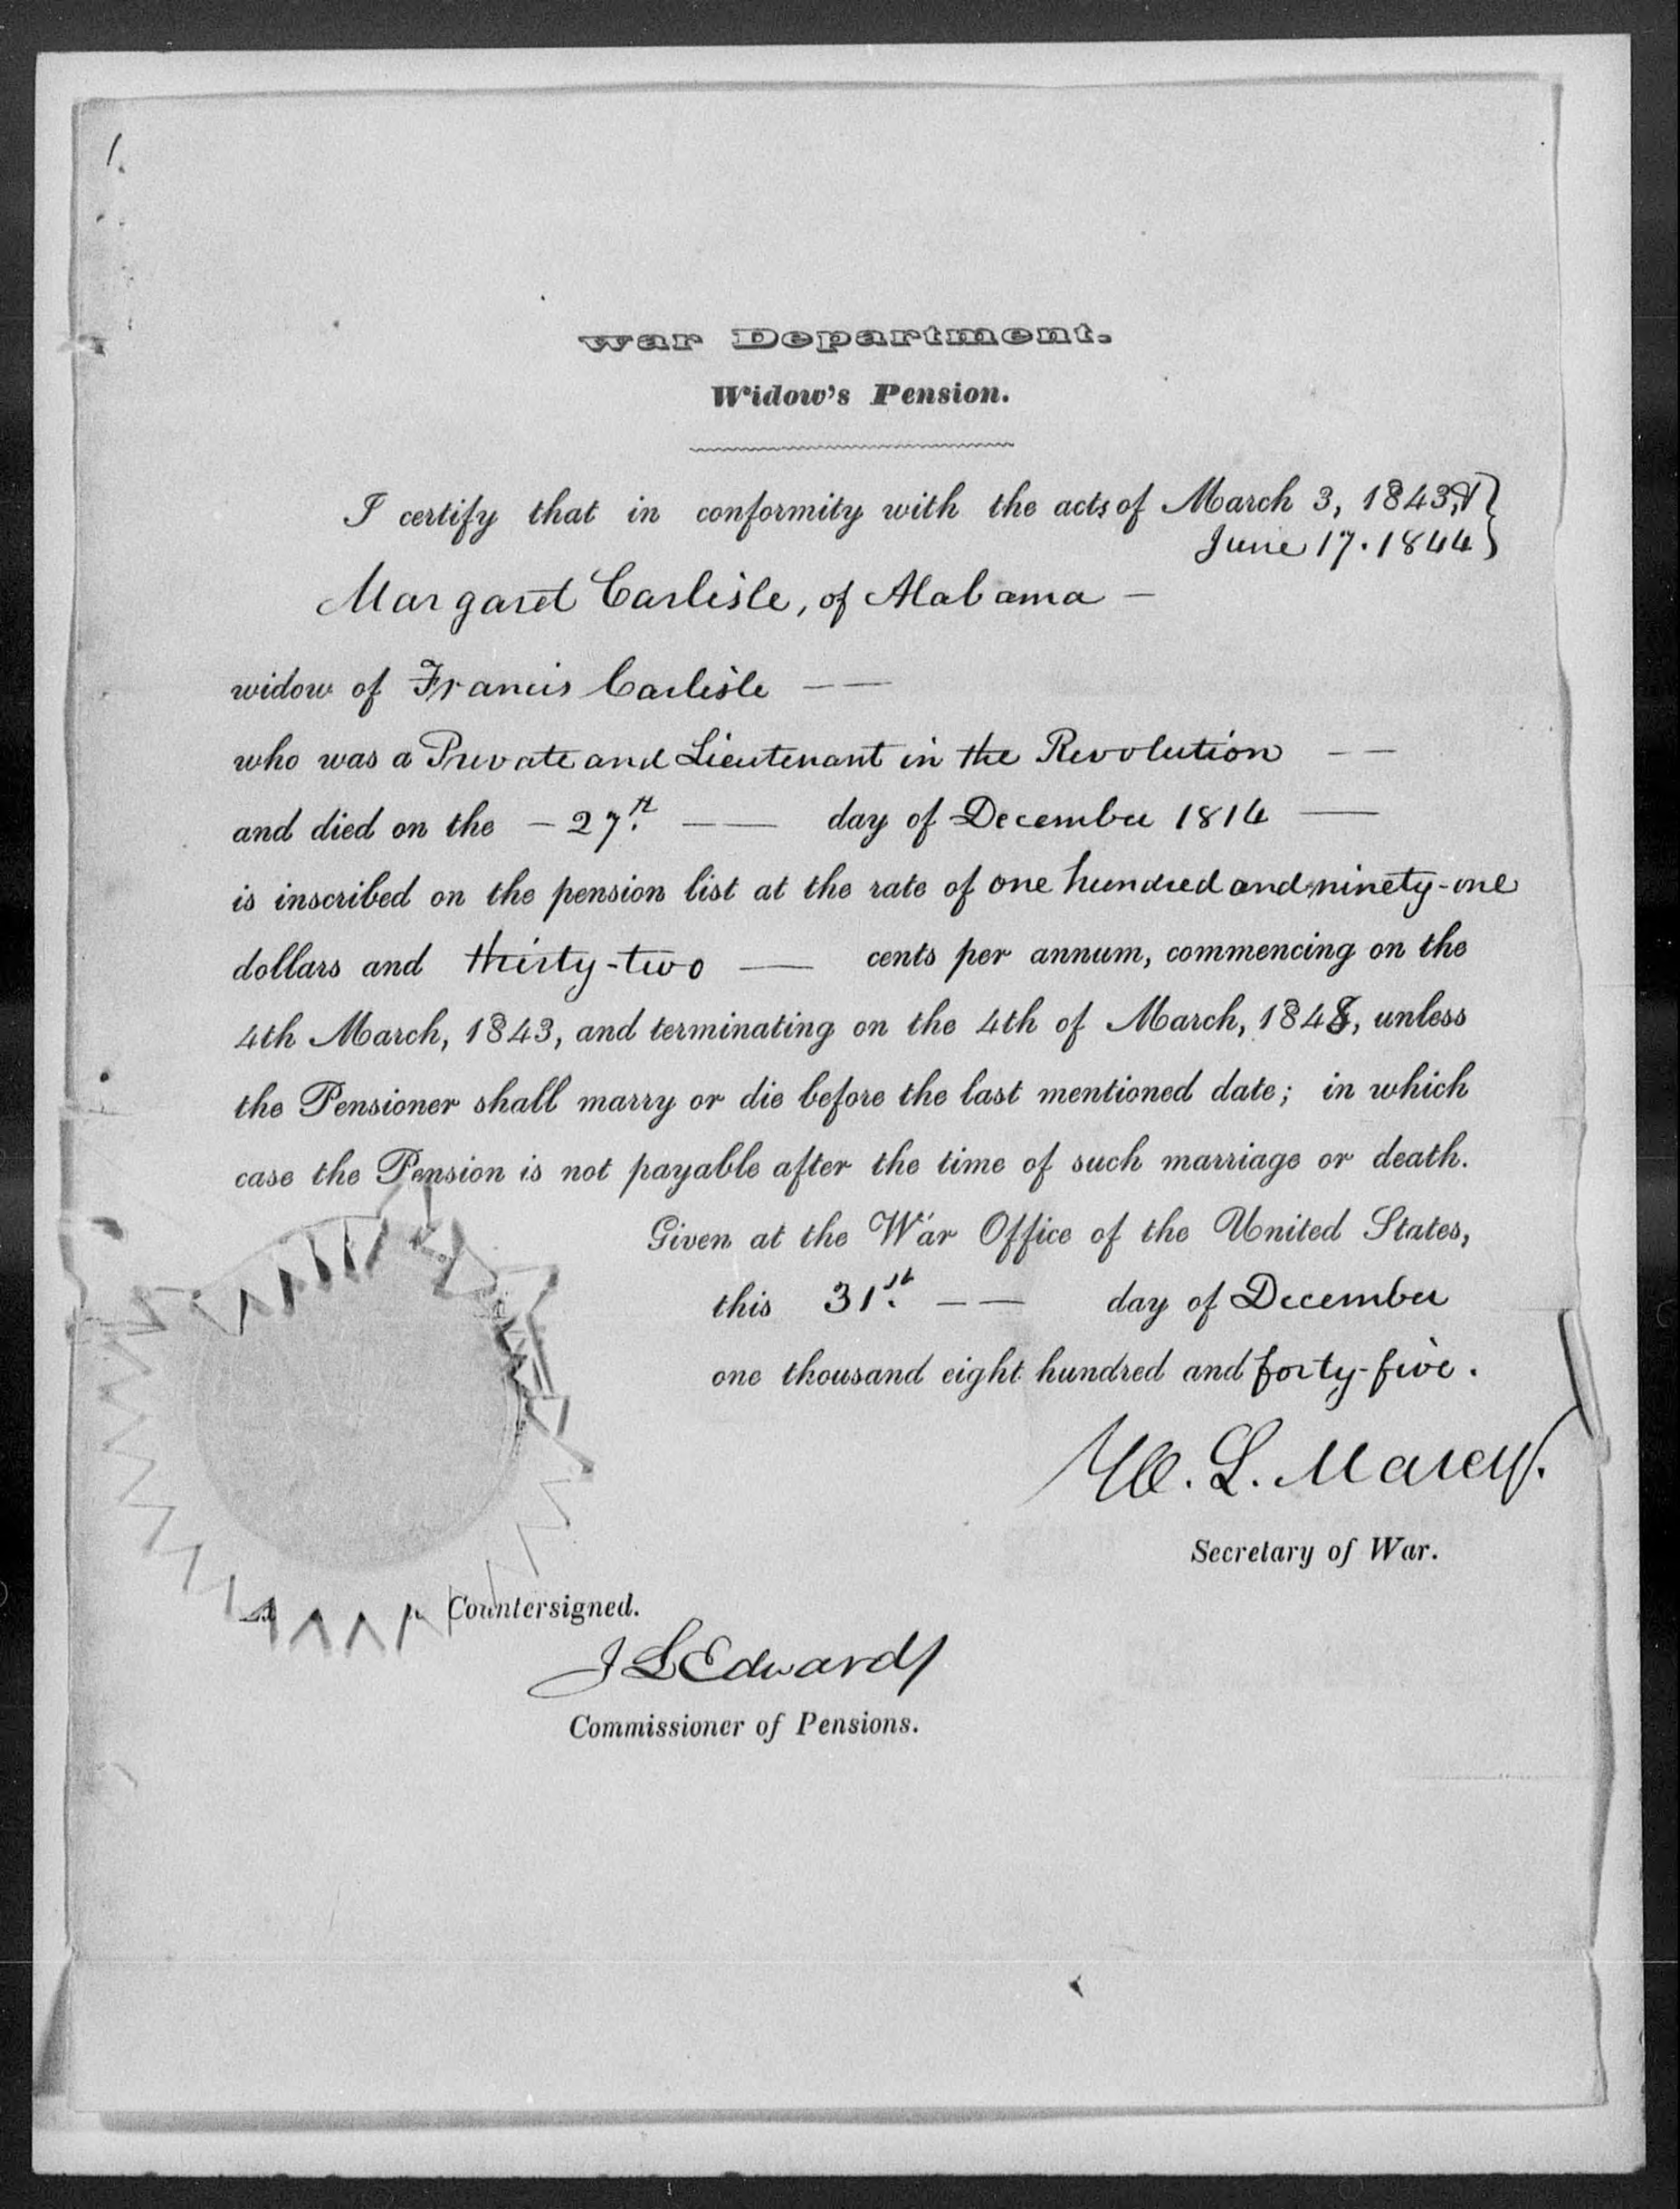WAR DEPARTMENT.
Widow's Pension.
=============
I certify that in conformity with the acts of March 3, 1843, & }
                       June 17, 1844      }
Margaret Carlisle of Alabama - 
widow of Francis Carlisle ---
who was a Private and Lieutenant in the Revolution---
and died on the - 27th-- day of December 1816
is inscribed on the pension list at the rate of one hundred and ninety -one
dollars and thirty-two cents per annum, commencing on the
4th March, 1843, and terminating on the 4th of March, 1848, unless
the Pensioner shall marry or die before the last mentioned date; in which
case the Pension is not payable after the time of such marriage or death.

SEAL

Given at the War Office of the United States,
this 31st-- day of December
one thousand eight hundred and forty-five.
W. L. Marcy
Secretary of War.

Countersigned.
J L Edwards
Commissioner of Pensions.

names: Margaret Carlisle, W L Marcy, Francis Carlisle, J L Edwards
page: 91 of 91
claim: widow's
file: W. 10576, Francis Carlisle, S.C.